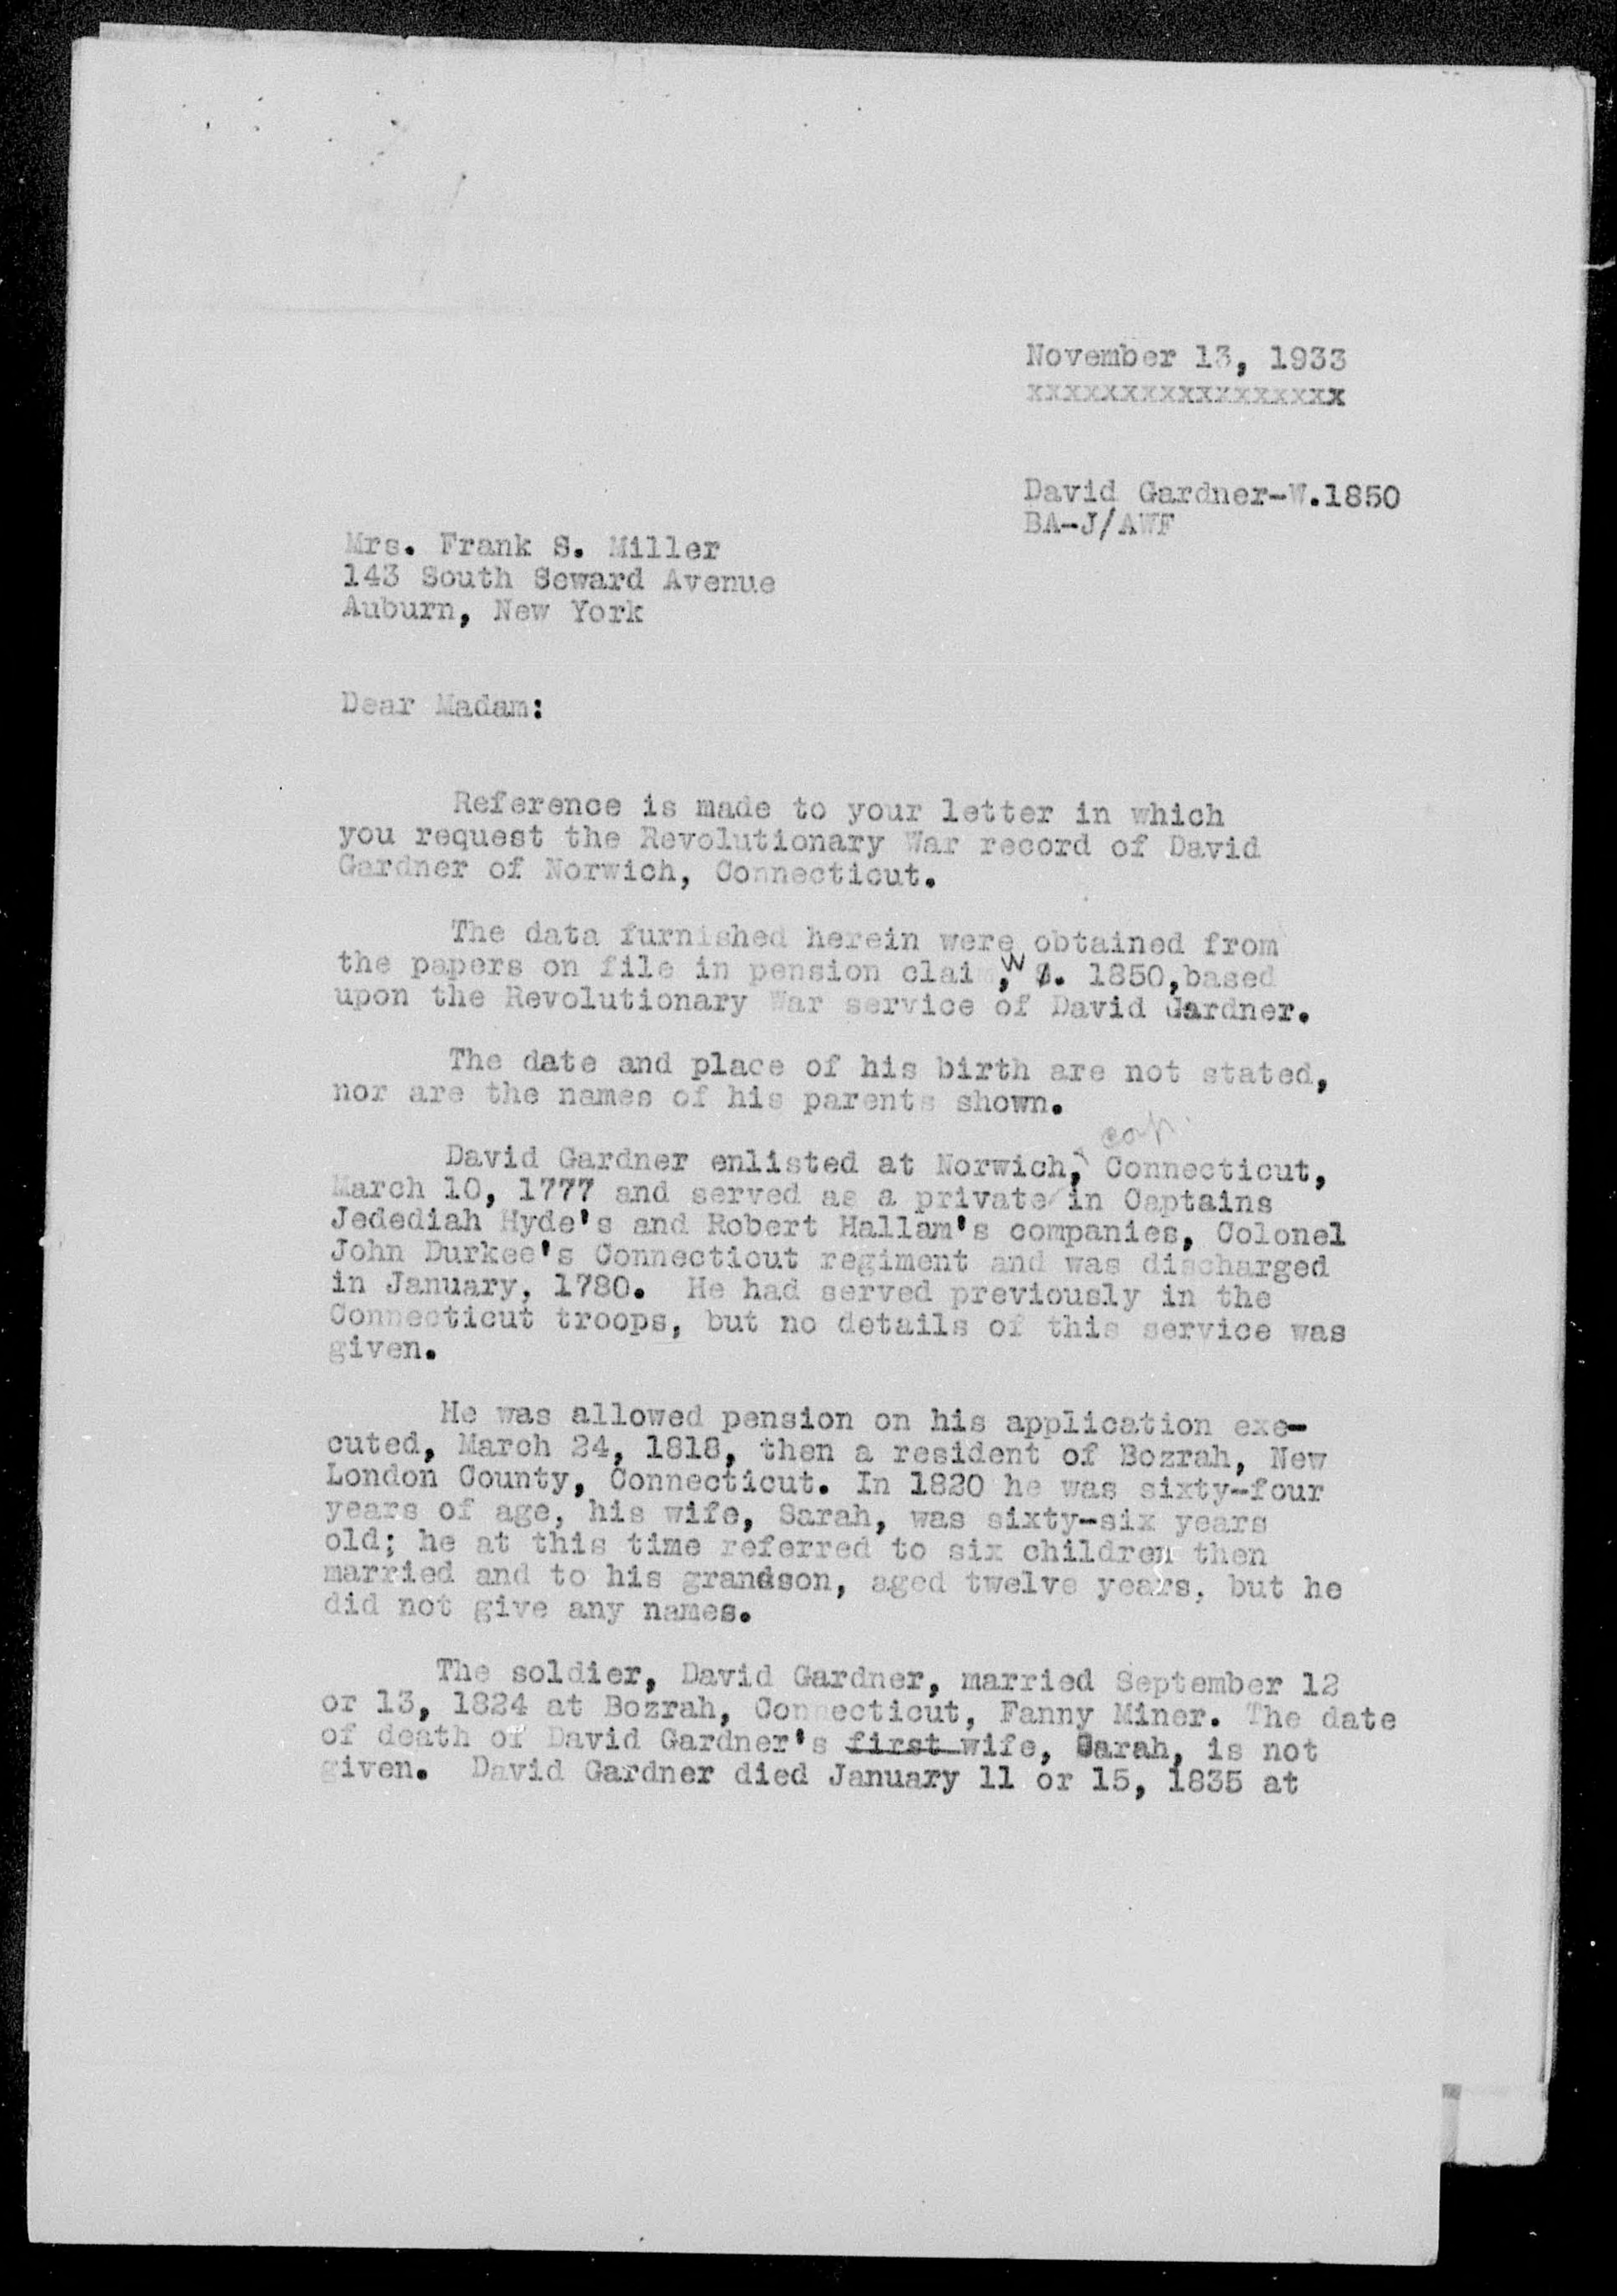November 13, 1933
xxxxxxxxxxxxxxxxx

David Gardner-W. 1850
BA-J/AWF

Mrs. Frank S. Miller
143 South Seward Avenue
Auburn, New York

Dear Madam:

Reference is made to your letter in which you request the Revolutionary War record of David Gardner of Norwich, Connecticut.

The data furnished herein were obtained from the papers on file in pension clai, w. 1850, based upon the Revolutionary War service of David Gardner. 

The date and place of his birth are not stated, nor are the names of his parents shown.

David Gardner enlisted at Norwich, ^ con. Connecticut, March 10, 1777, and served as a private in Captains Jedediah Hyde's and Robert Hallam's companies, Colonel John Durkee's Connecticut regiment was discharged in January, 1780. He had served pr3eviously in the Connecticut troops, but no details of this service was given. 

He was allowed pension on his application executed, March 24, 1818, then a resident of Bozrah, New London County, Connecticut. In 1820 he was sixty-four years of age, his wife, Sarah, was sixty-six years old; he at this time referred to six children then married and to his grandson, aged 12 years, but he did not give any names. 

The soldier, David Gardner, married September 12 or 13, 1824 at Bozrah, Connecticut, Fanny Miner. The date of death of David Gardner's first wife, Sarah is not given.  David Gardner died January 11 or 15 1835 at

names: David Gardner, David Gardner, David Gardner, Sarah, Fanny Miner, David Gardner, David Gardner, David Gardner, David Gardner, Frank S Miller, Sarah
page: 27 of 66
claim: widow's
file: W 1850, David Gardner, Conn.